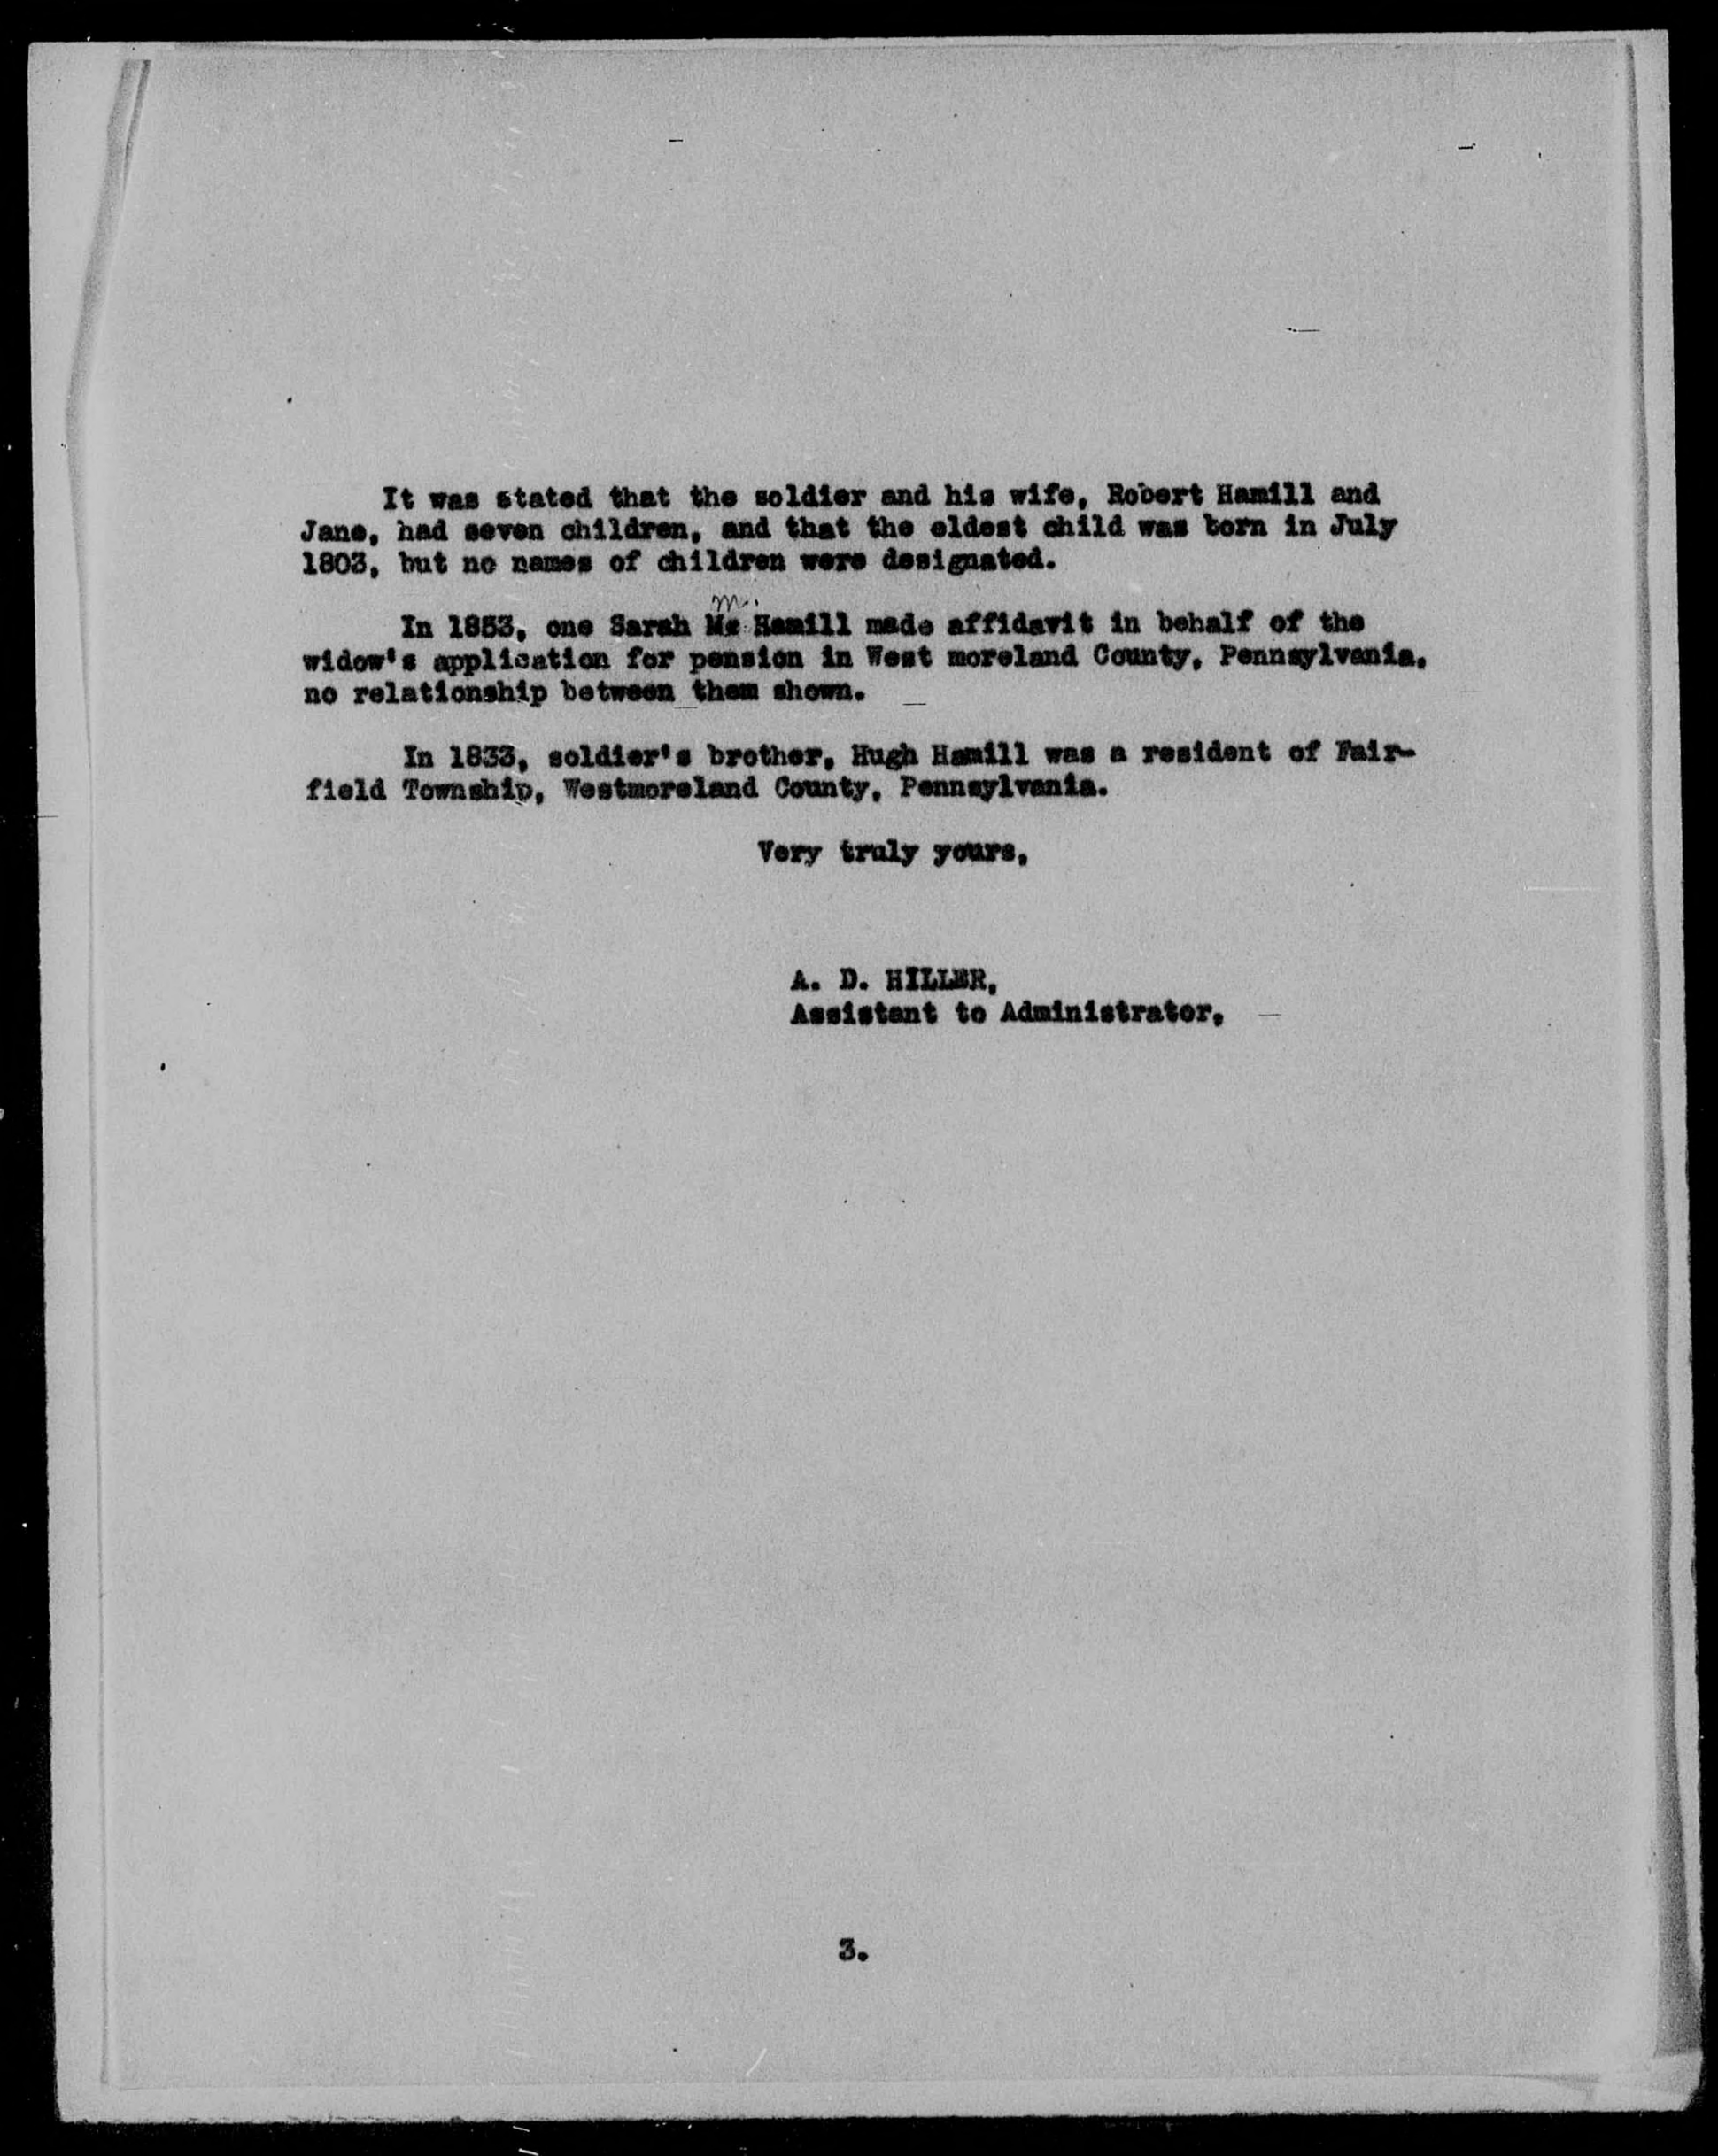It was stated that the soldier and his wife, Robert Hamill and
Jane, had seven children, and that the oldest child was born in July
1803, but no names of children were designated.
In 1853, one Sarah M Hamill made affidavit in behalf of the
widow's application for pension in West moreland County, Pennsylvania.
no relationship between them shown.
In 1833, soldier's brother, Hugh Hamill was a resident of Fairfield
Township, Westmoreland County, Pennsylvania.
Very truly yours,
A. D. HILLER,
Assistant to Administrator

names: Robert Hamill, Sarah M Hamill, A D Hiller, Hugh Hamill, Jane Hamill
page: 35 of 92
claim: widow's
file: W 1173, Robert Hamill, Penn.